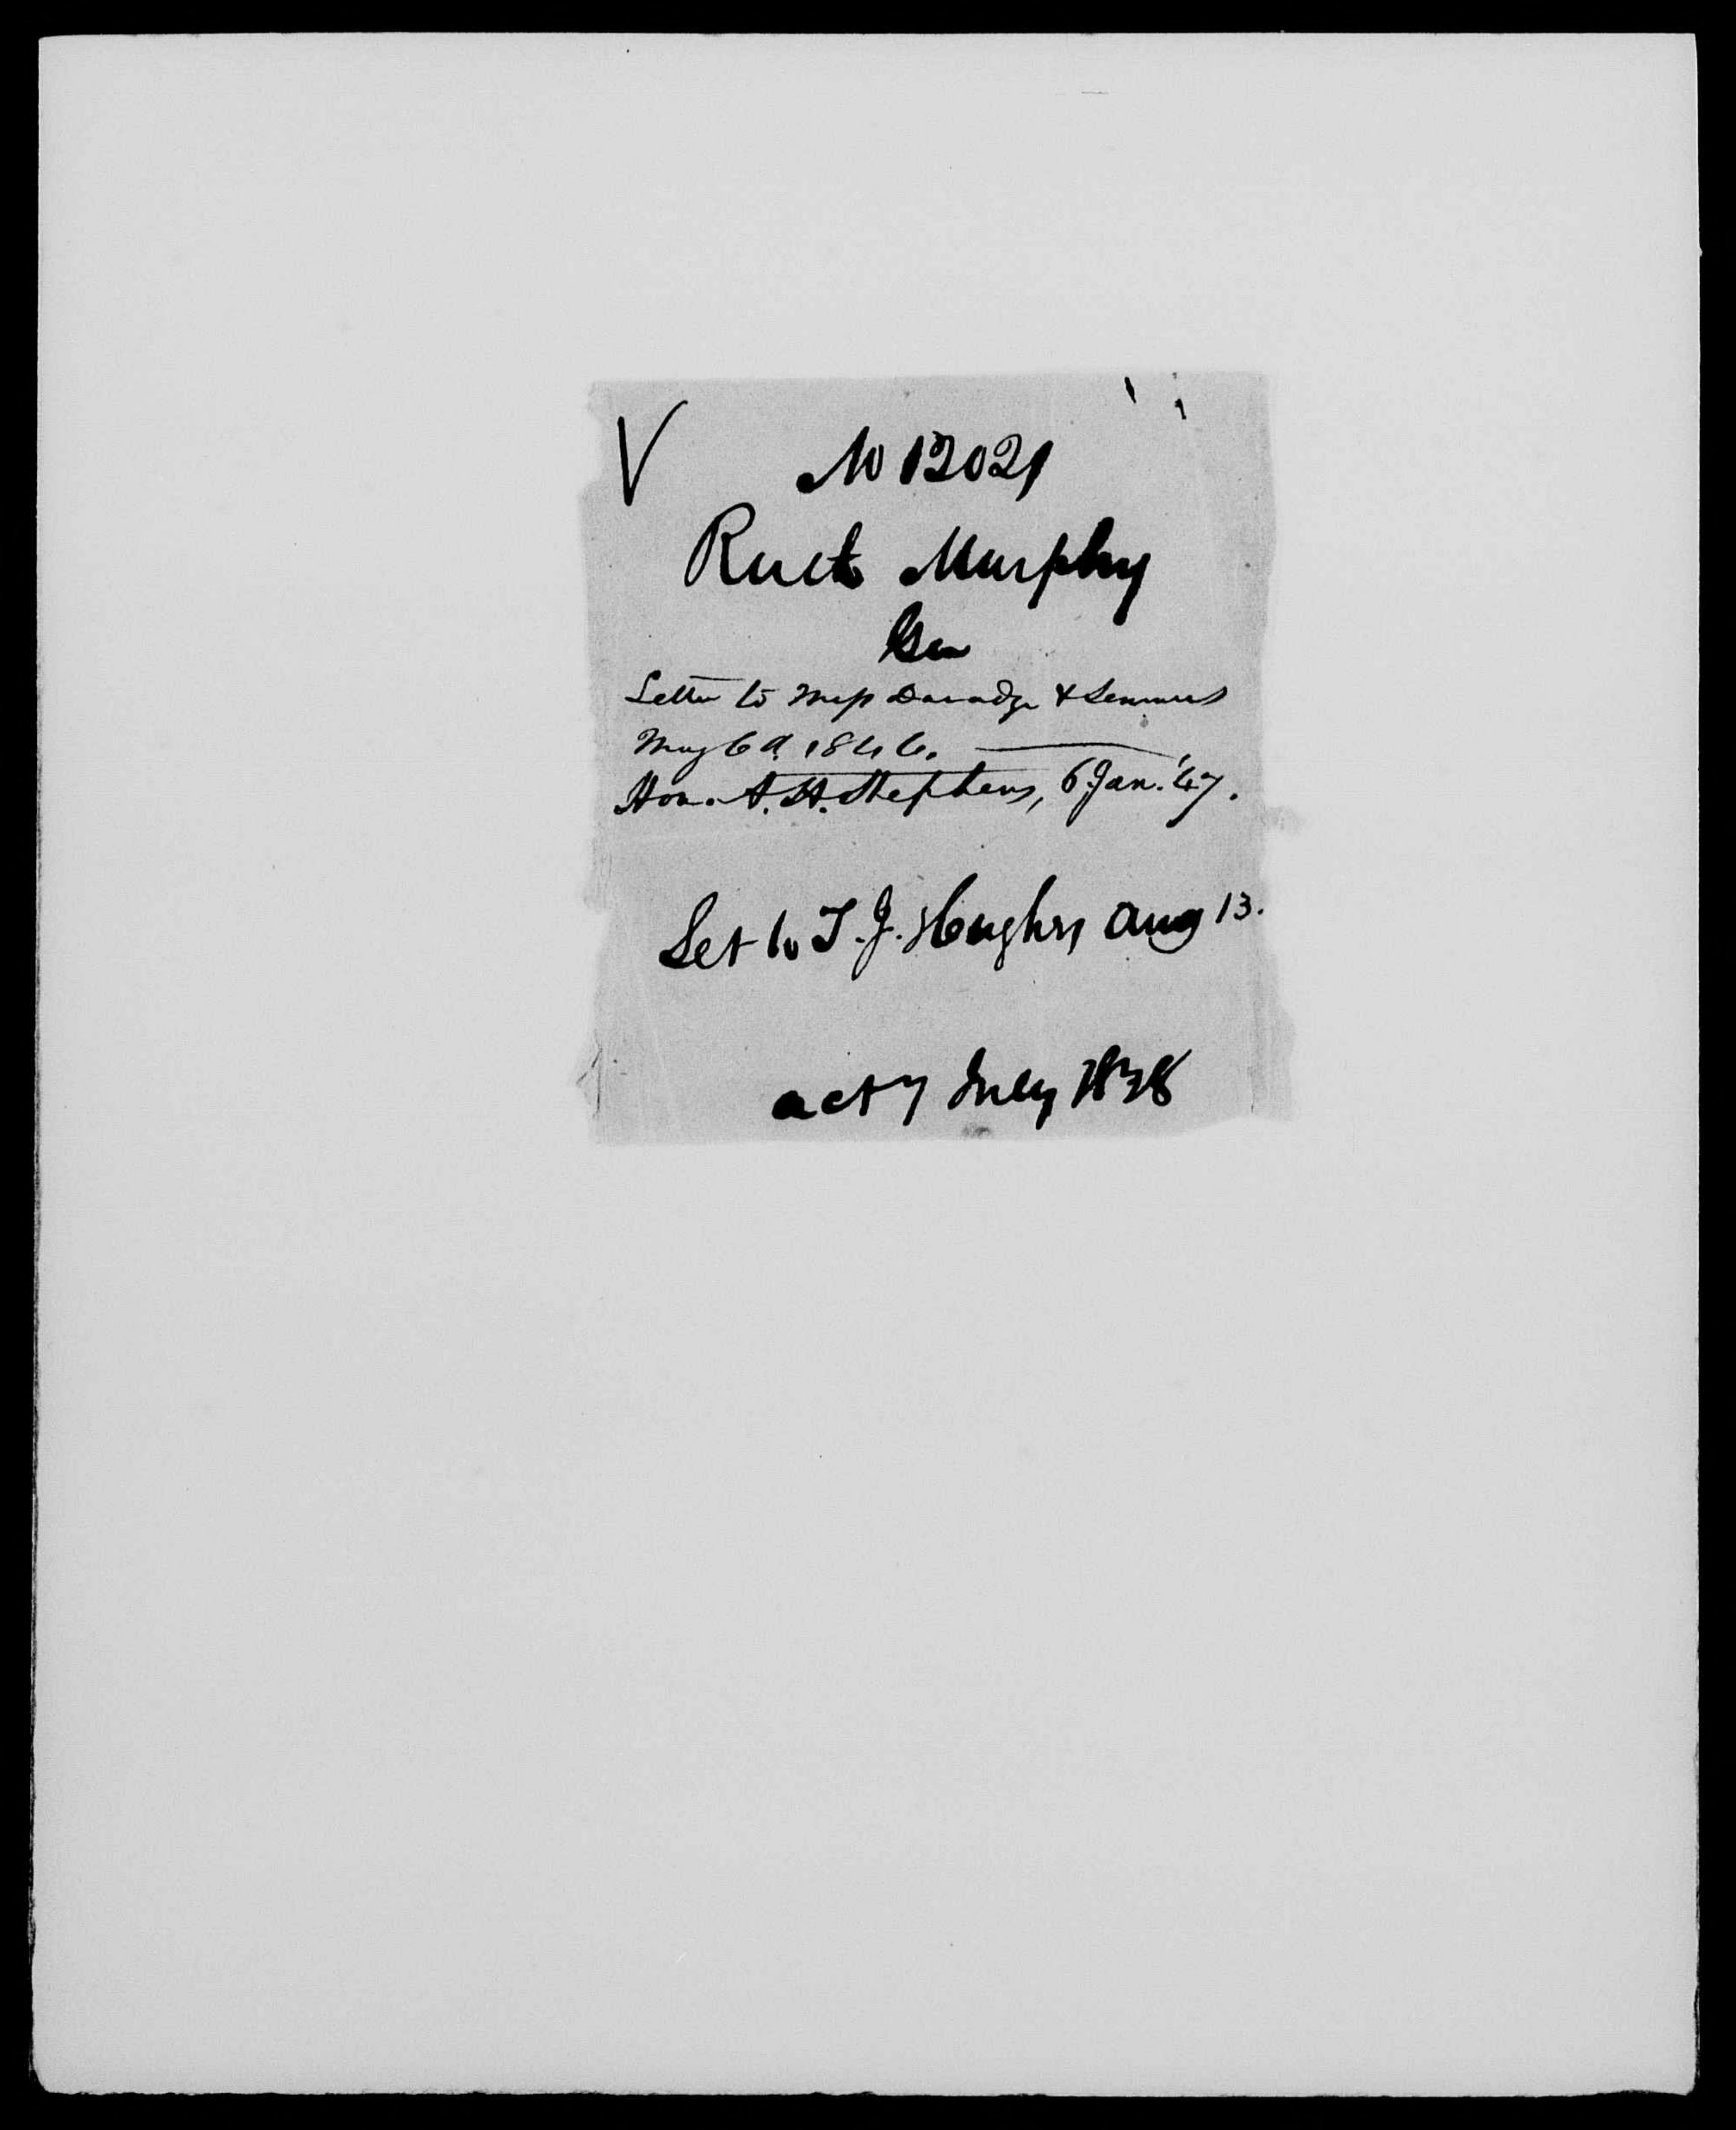No 12021
Rutha Murphy
Gen
Letter to Mrs Darad Semmes
May 6 1866
Hon A.H. Stephen’s,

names: Semmes, T J Hughes, Davadge, A H Stephens, Ruth Murphy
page: 15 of 108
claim: rejected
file: R. 7,515, John Hudgins, N.C.